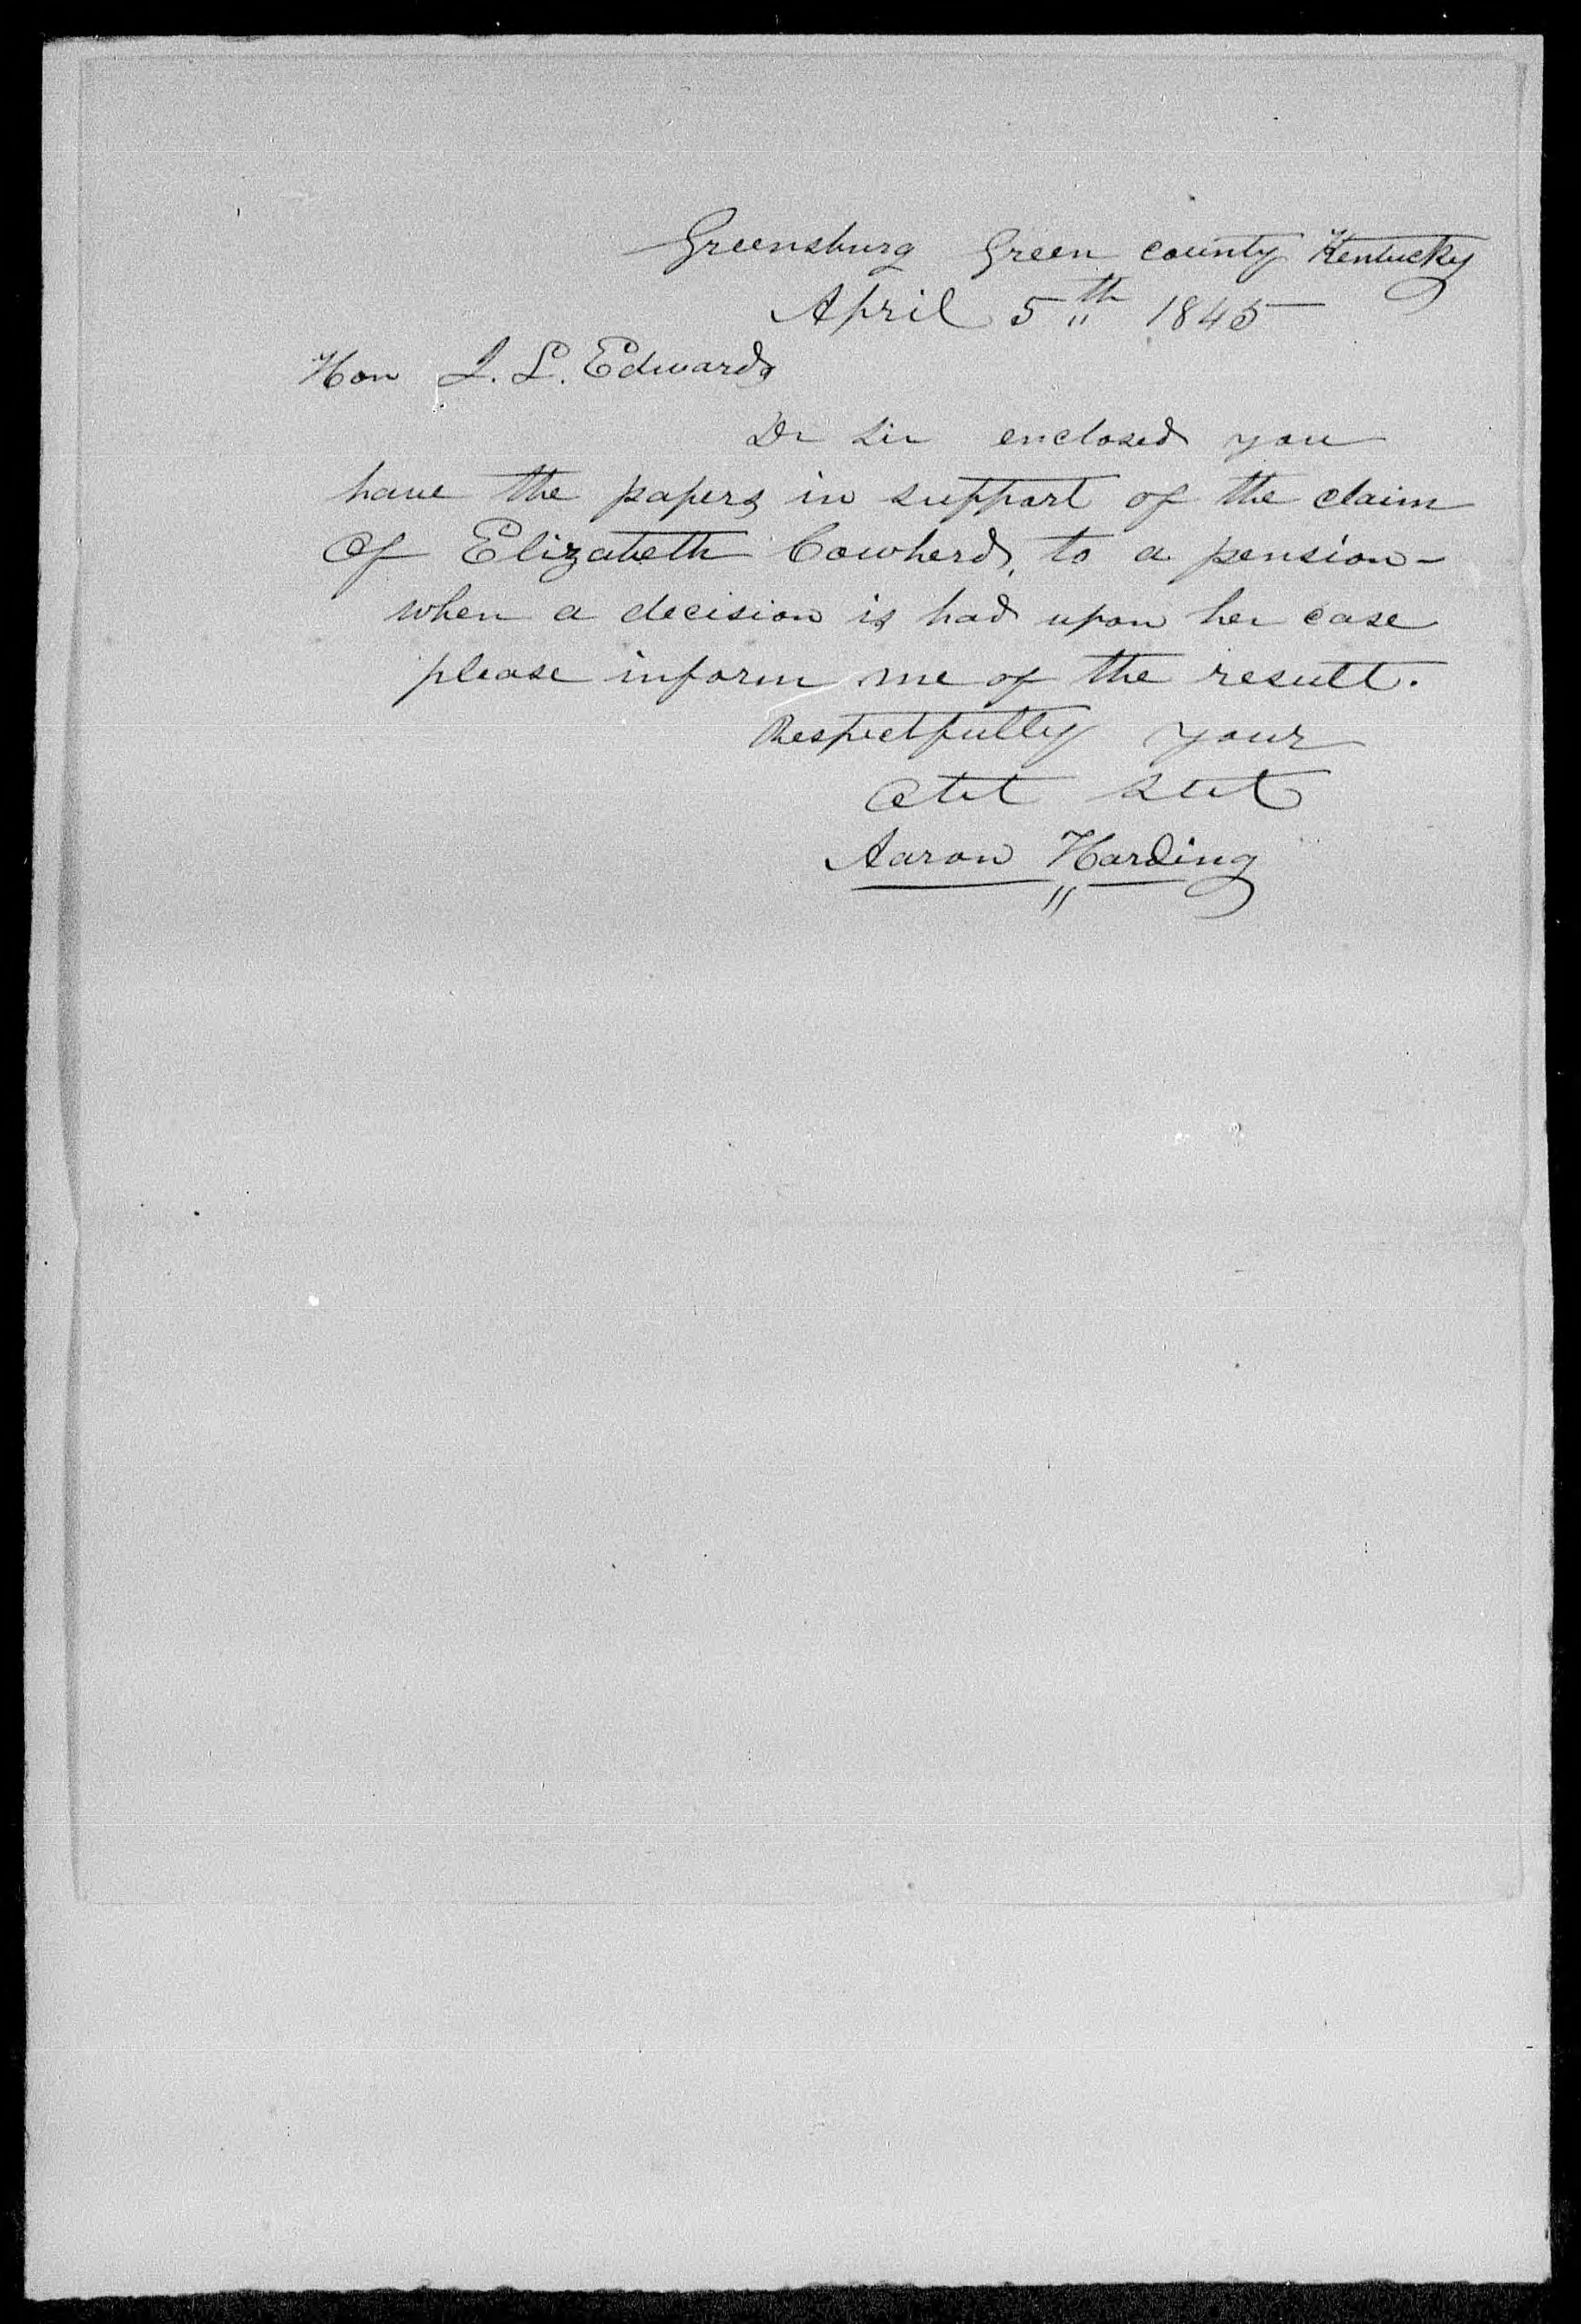Greensburg Green County Kentucky
April 5th, 1845
Hon J.L. Edwards
Dear Sir enclosed you
have the papers in support of the claim
of Elizabeth Cowherd to a pension when
a decision is had upon her case
please inform me of the result.
Respectfully your
Obt. sevt.
Aaron Harding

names: Elizabeth Cowherd, J L Edwards, Aaron Harding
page: 34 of 46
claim: widow's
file: W 8619, Jonathan Cowherd, Va.